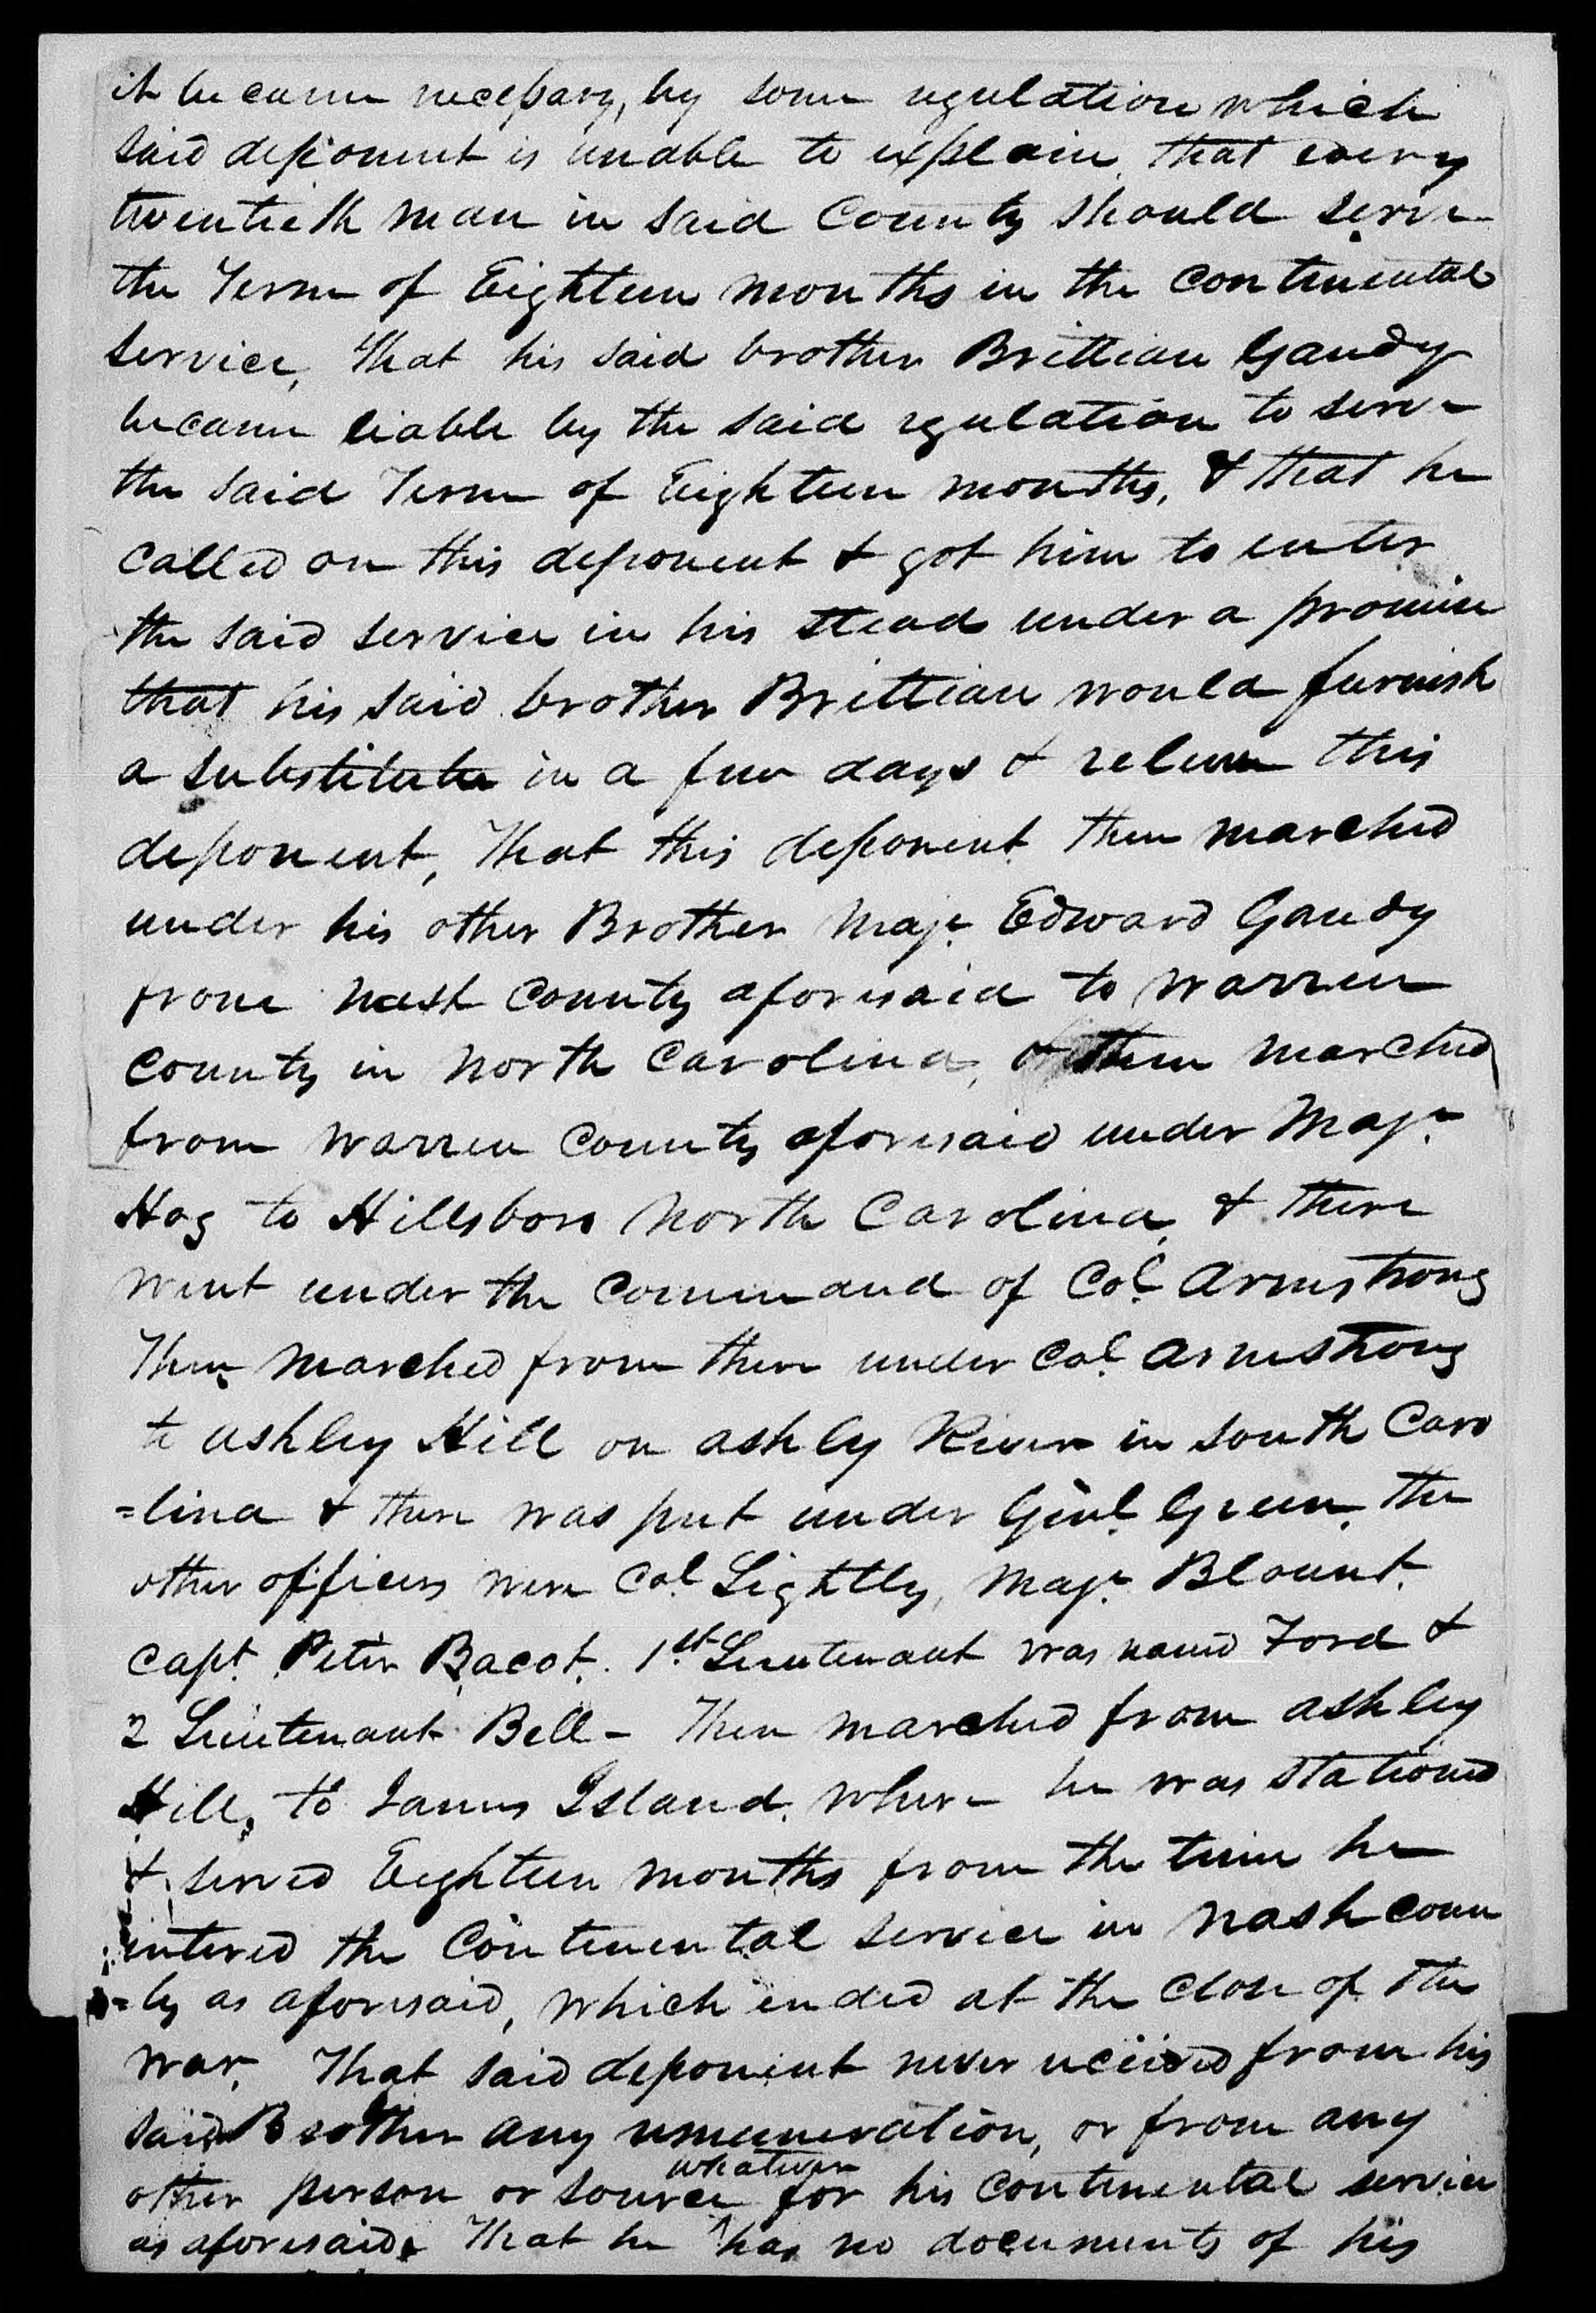it became necessary, by some regulation which said deponent. is unable to explain that every twentieth man in said county should serve the Term of Eighteen months in the continental service, that his said brother Brittian Gaudy became liable by the said regulation to serve the said Term of Eighteen months, & that he called on this deponent and got him to enter the said service in his stead under a promise that his said brother Brittian would furnish a substitute in a few days & relieve this deponent. That this deponent then marched under his other Brother Maj. Edward Gaudy from Nash county aforesaid to Warren Country in North Carolina & then marched from Warren county aforesaid under Maj. Hog to Hillsboro North Carolina & there went under the Command of Col Armstrong. Then marched from then under Col Armstrong to Ashley Hill on Ashley River in South Carolina of then was put under Genl Greene the other officer were Col. Lightly Maj. Blount Capt Peter Bacot. 1st lieutenant was named Ford & 2 Lieutenant Bell- - Then marched from Ashley Hill, to James Island where he was stationed and served eighteen months from the time he entered the Continental service in Nash County as aforesaid, which ended at the close of The war. That said deponent never received from his said brother any renumeration, or from any other person or source whatever for his continental service as aforesaid. That he has no documents of his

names: Armstrong, Brittian, Green, Edward Gaudy, Armstrong, Lightly, Ford, Peter Bacot, Hog, Brittian Gaudy, Bell, Blount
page: 4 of 12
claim: survivor's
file: S. 17971, Ephraim Gaudy, N.C. S.C.